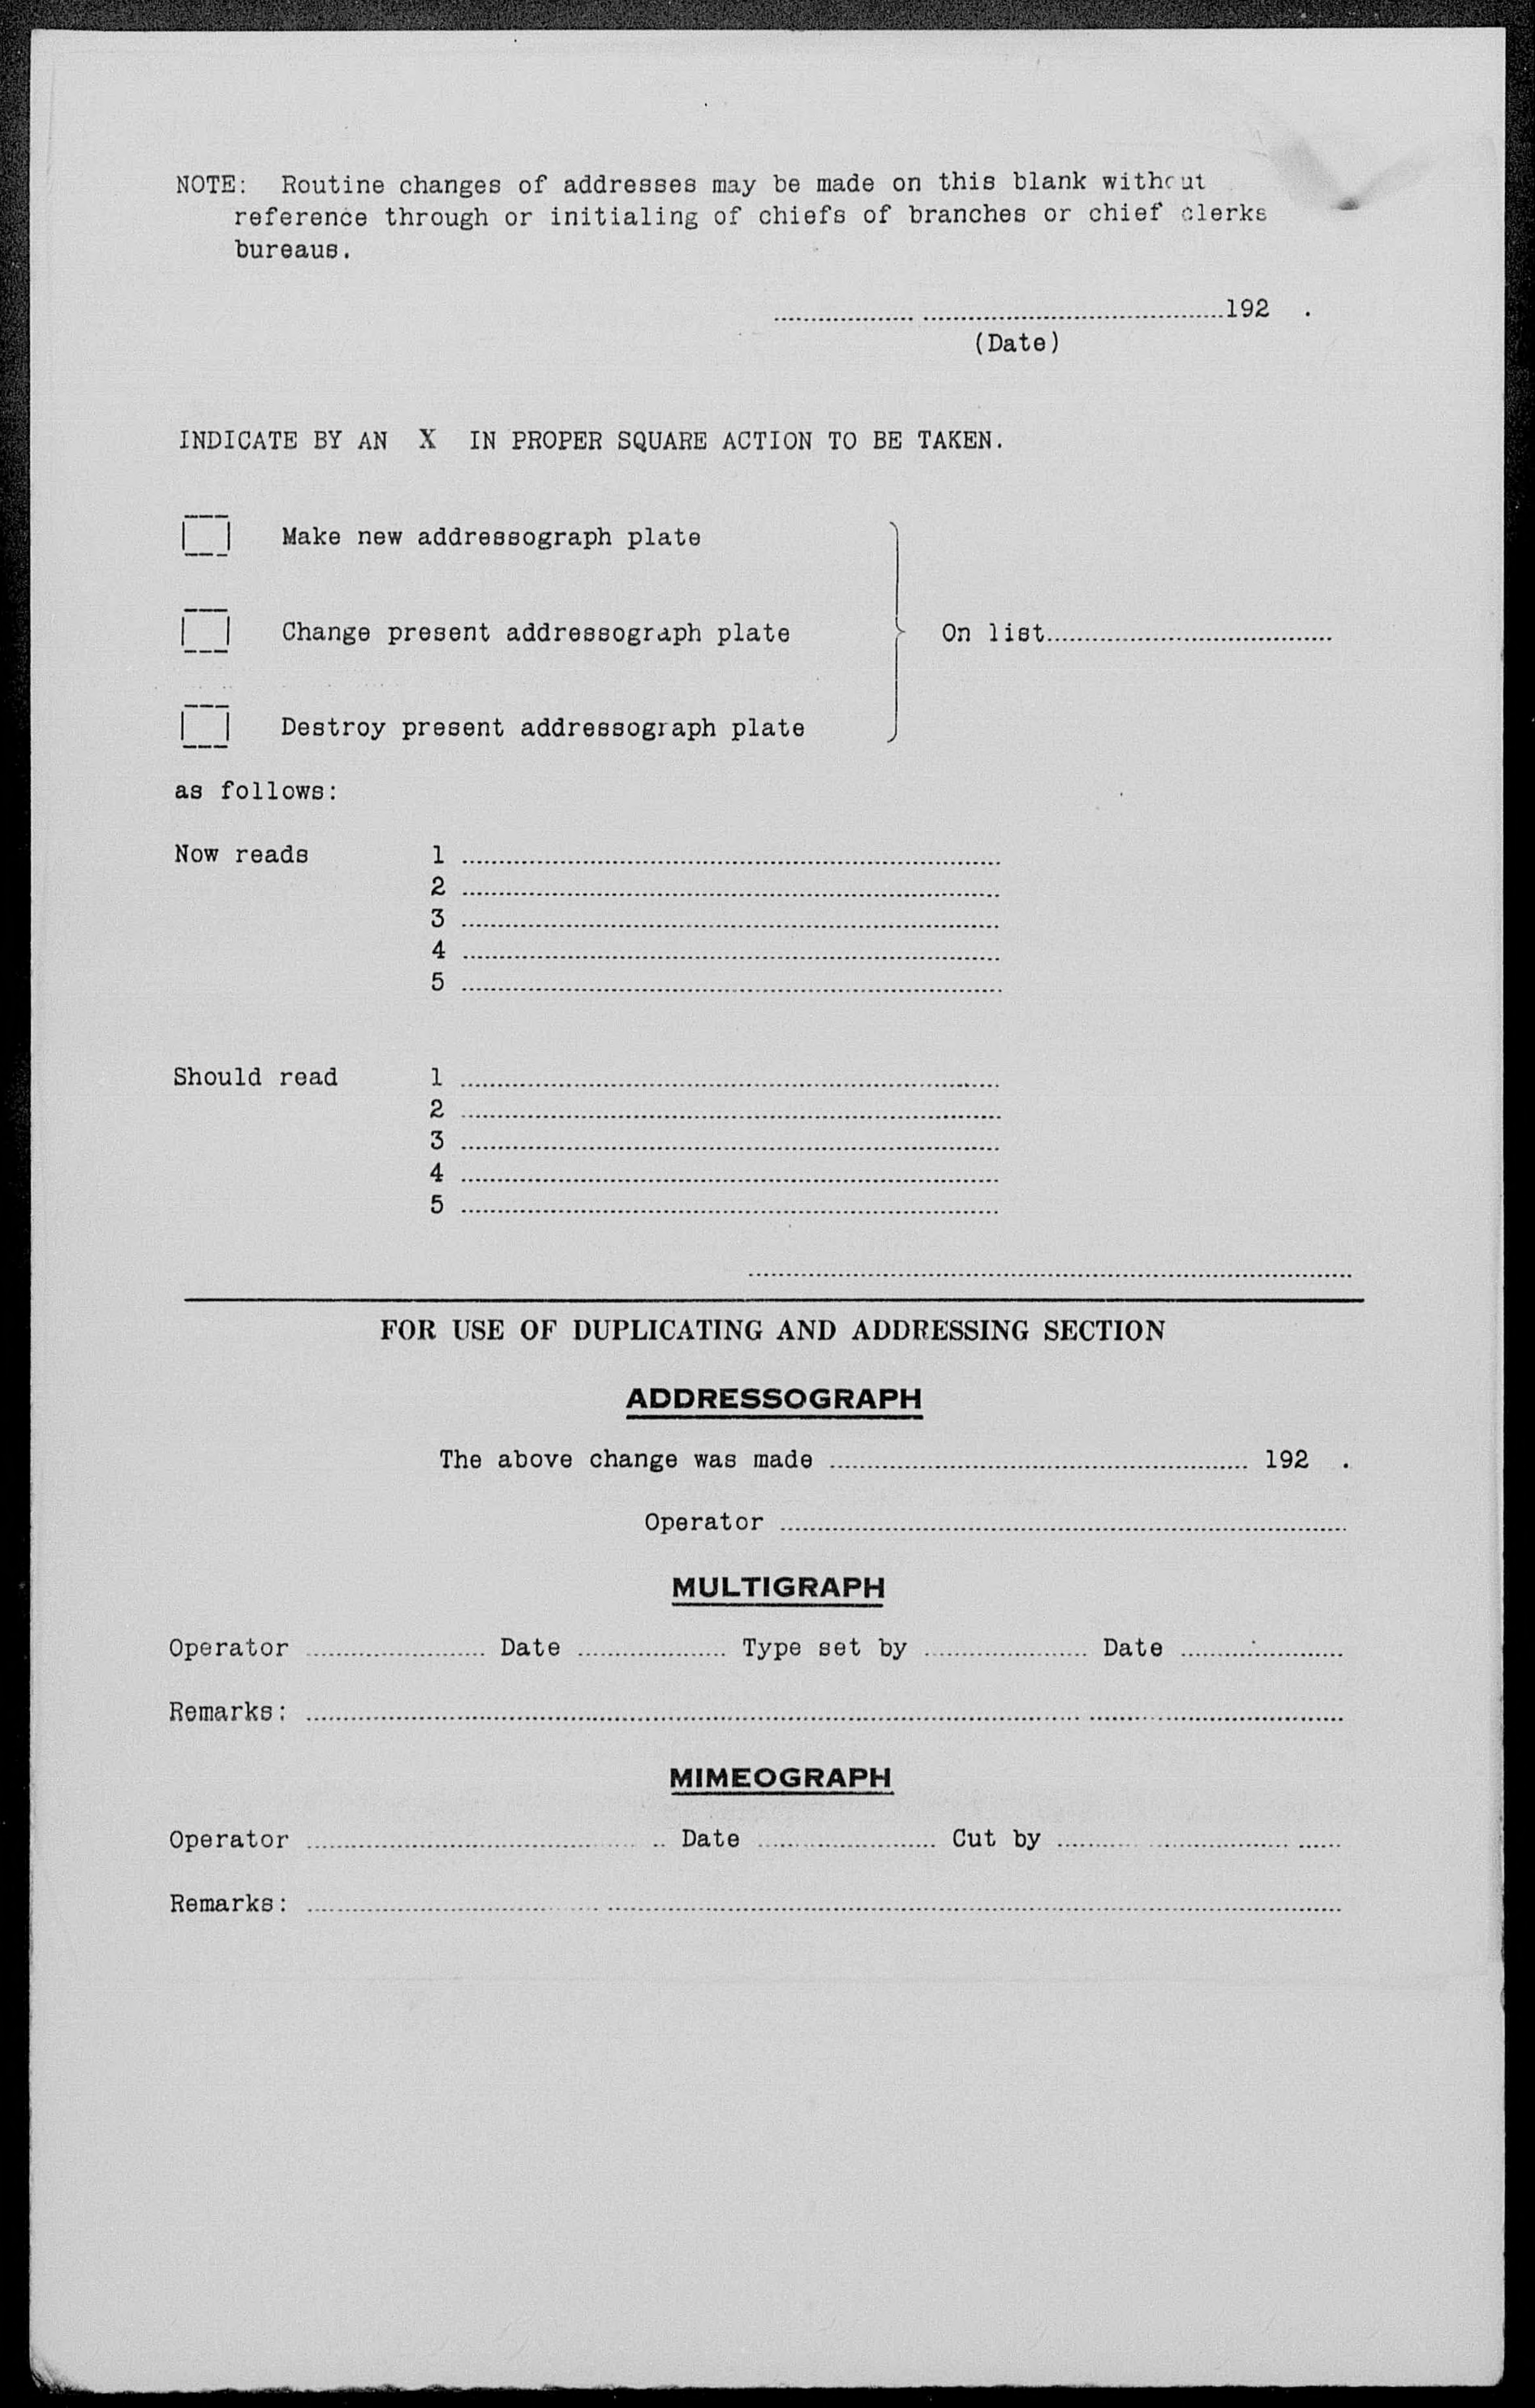NOTE: Routine changes of addresses may be made on this blank without reference through or initialing of chiefs of branches or chief clerks bureaus. 

___ ____ 192  .
(Date)

INDICATE BY AN  X  IN PROPER SQUARE ACTION TO BE TAKEN

[Each option provides a box next to it]
Make new addressograph plate
Change present addressograph plate
Destroy present addressograph plate
[these options grouped together with } ] On list
as follows

Now reads 1 ___
2 ___
3 ___
4 ___
5 ___

Should read  1 ___
2 ___
3 ___
4 ___
5 ___
[a line for signature left blank]

FOR USE OF DUPLICATING AND ADDRESSING SECTION

ADDRESSOGRAPH
The above change was made ___ 192  .
Operator ___

MULTIGRAPH
Operator ___ Date ___ Type set by ___ Date ___
Remarks: ___

MIMEOGRAPH
Operator ___ Date ___ Cut by ___
Remarks: ___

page: 11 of 25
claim: survivor's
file: S. 28986, Jonathan Barron, N.H.